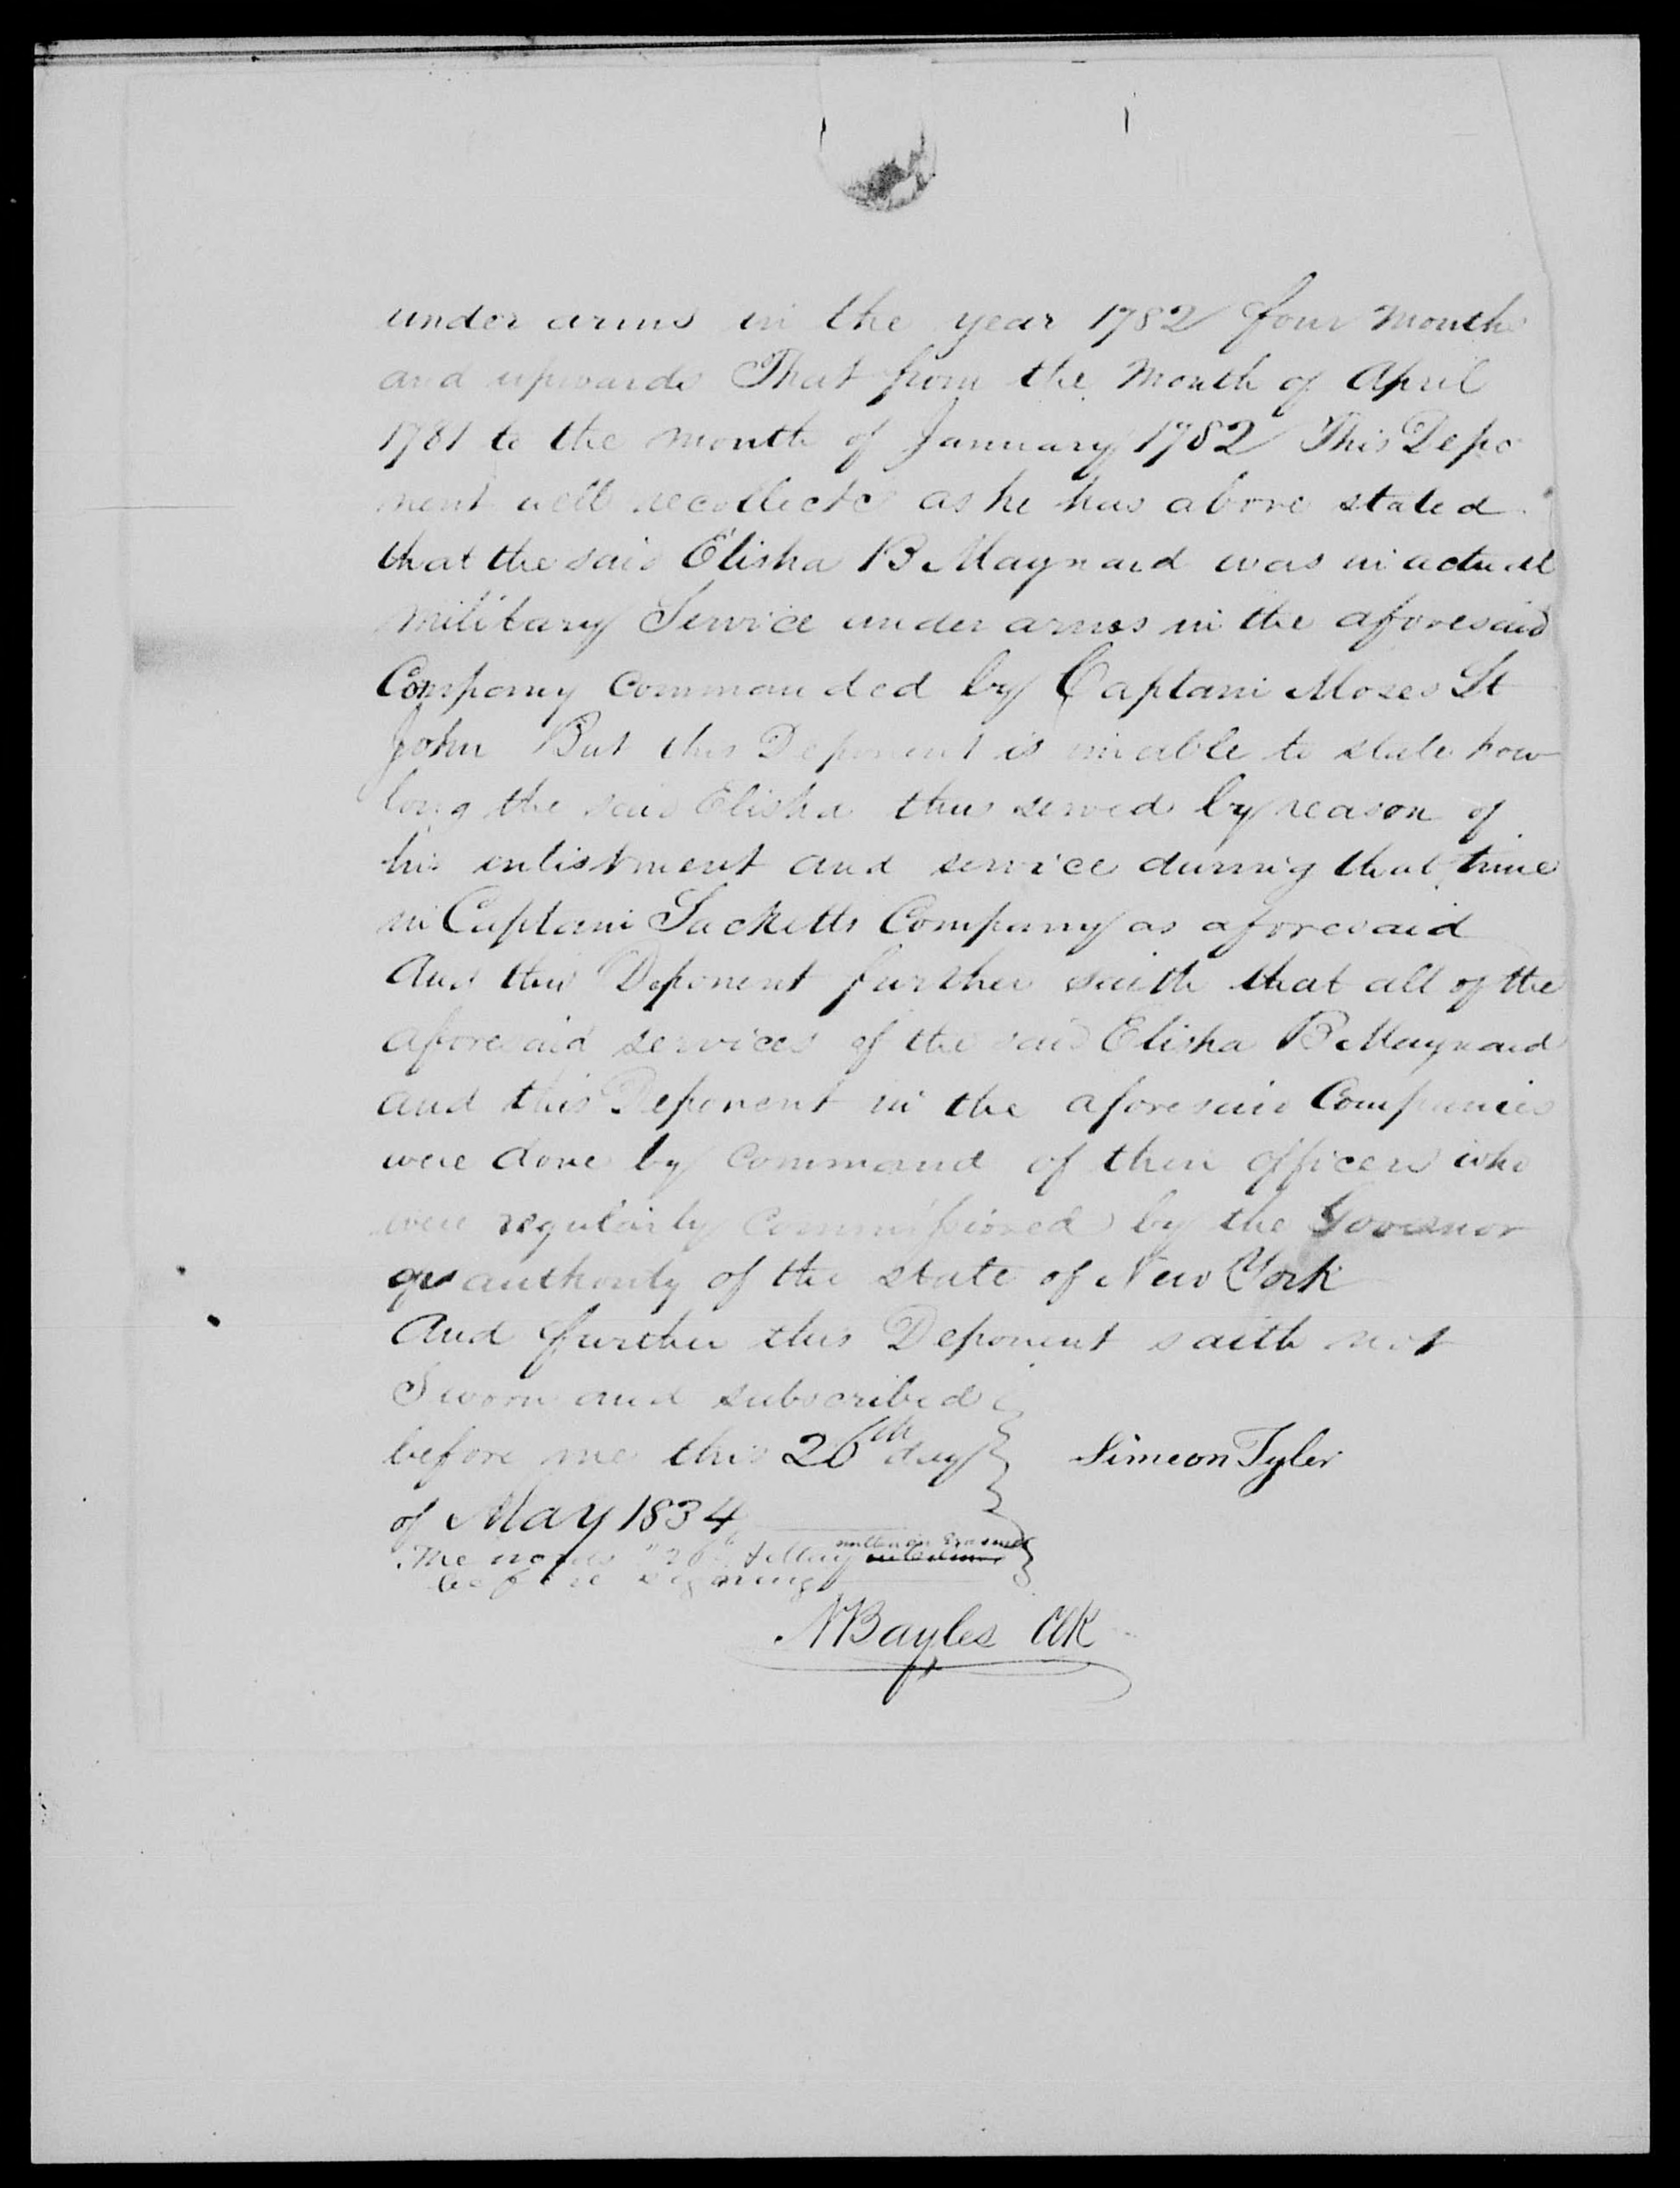under arms in the year 1782 four months and upwards That from the Month of April 1781 to the month of January 1782 This Deponent well recollects as he has above stated that the said Elisha B Maynard was in actual Military Service under arms in the aforesaid Company Commanded by Captain Moses St John But this Deponent is unable to state how long the said Elisha the served by reason of his enlistment and service during that time in Captain Sacketts Company as aforesaid 
And this Deponent further saith that all of the aforesaid services of the said Elisha B Maynard and this Deponent in the aforesaid Companies were done by command of their officers who were regularly Commissioned by the Governor or[?] authority of the State of New York 
And further this Deponent saith not 
[Signed] Simeon Tyler
Sworn and subscribed before me} 
this 26th day of May 1834}
The notes  "26th" & May written in Erasure before signing}
[Signed] N Bayles Clk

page: 18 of 33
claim: rejected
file: R. 7,063, for Elisha B Maynard, New York